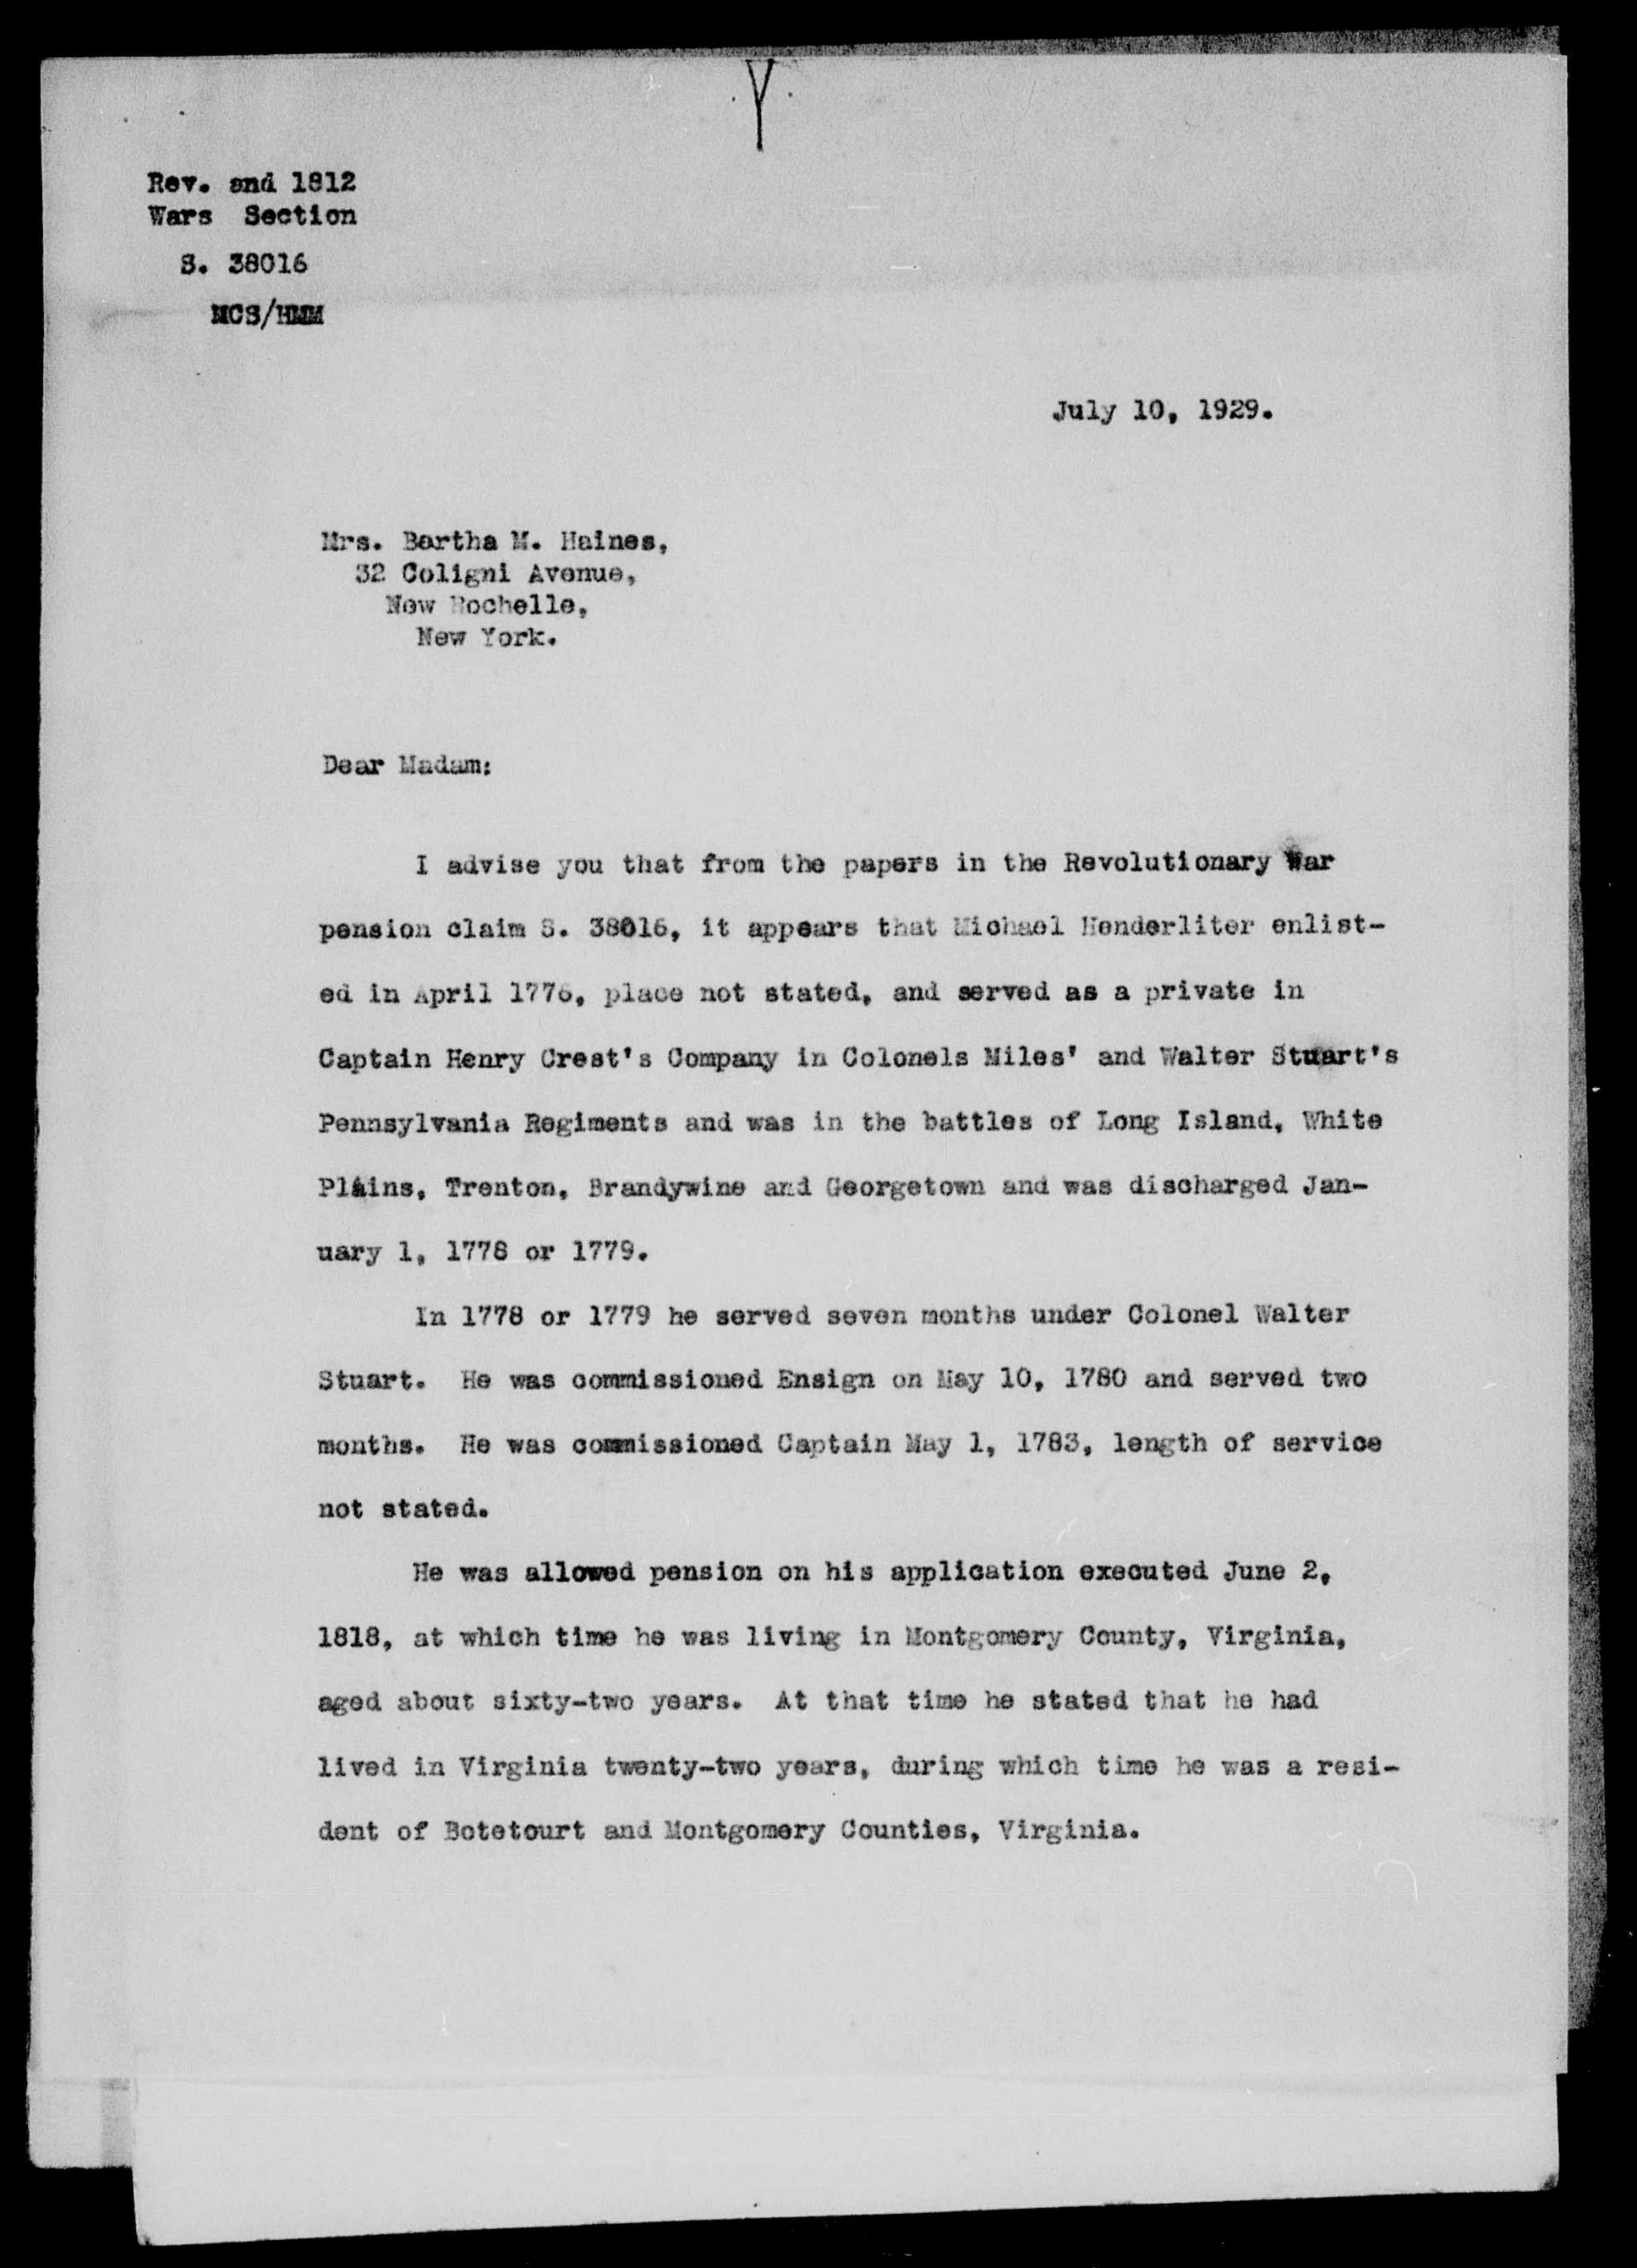Rev. and 1812
Wars Section
S. 38016
MCS/HMM
July 10, 1929.
Mrs. Bertha M. Haines,
32 Coligni Avenue,
New Rochelle, 
New York.

Dear Madam:
I advise you that from the papers in the Revolutionary War pension claim S. 38016, it appears that Hichael Henderliter enlisted in April 1776, place not stated, and served as a private in Captain Henry Crest's Company in Colonels Miles' and Walter Stuart's Pennsylvania Regiments and was in the battles of Long Island, White Plains, Trenton, Brandywine and Georgetown and was discharged January 1, 1778 or 1779.
In 1778 or 1779 he served seven months under Colonel Walter Stuart.  He was commissioned Ensign on May 10, 1780 and served two months.  He was commissioned Captain May 1, 1783, length of service not stated.
He was allowed pension on his application executed June 2, 1818, at which time he was living in Montgomery County, Virginia, aged about sixty-two years.  At that time he stated that he had lived in Virginia twenty-two years, during which time he was a resident of Botetourt and Montgomery Counties, Virginia.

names: Bertha M Haines, Walter Stuart, Michael Henderliter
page: 14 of 15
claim: survivor's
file: S. 38016, Michael Henderliter, Penn.